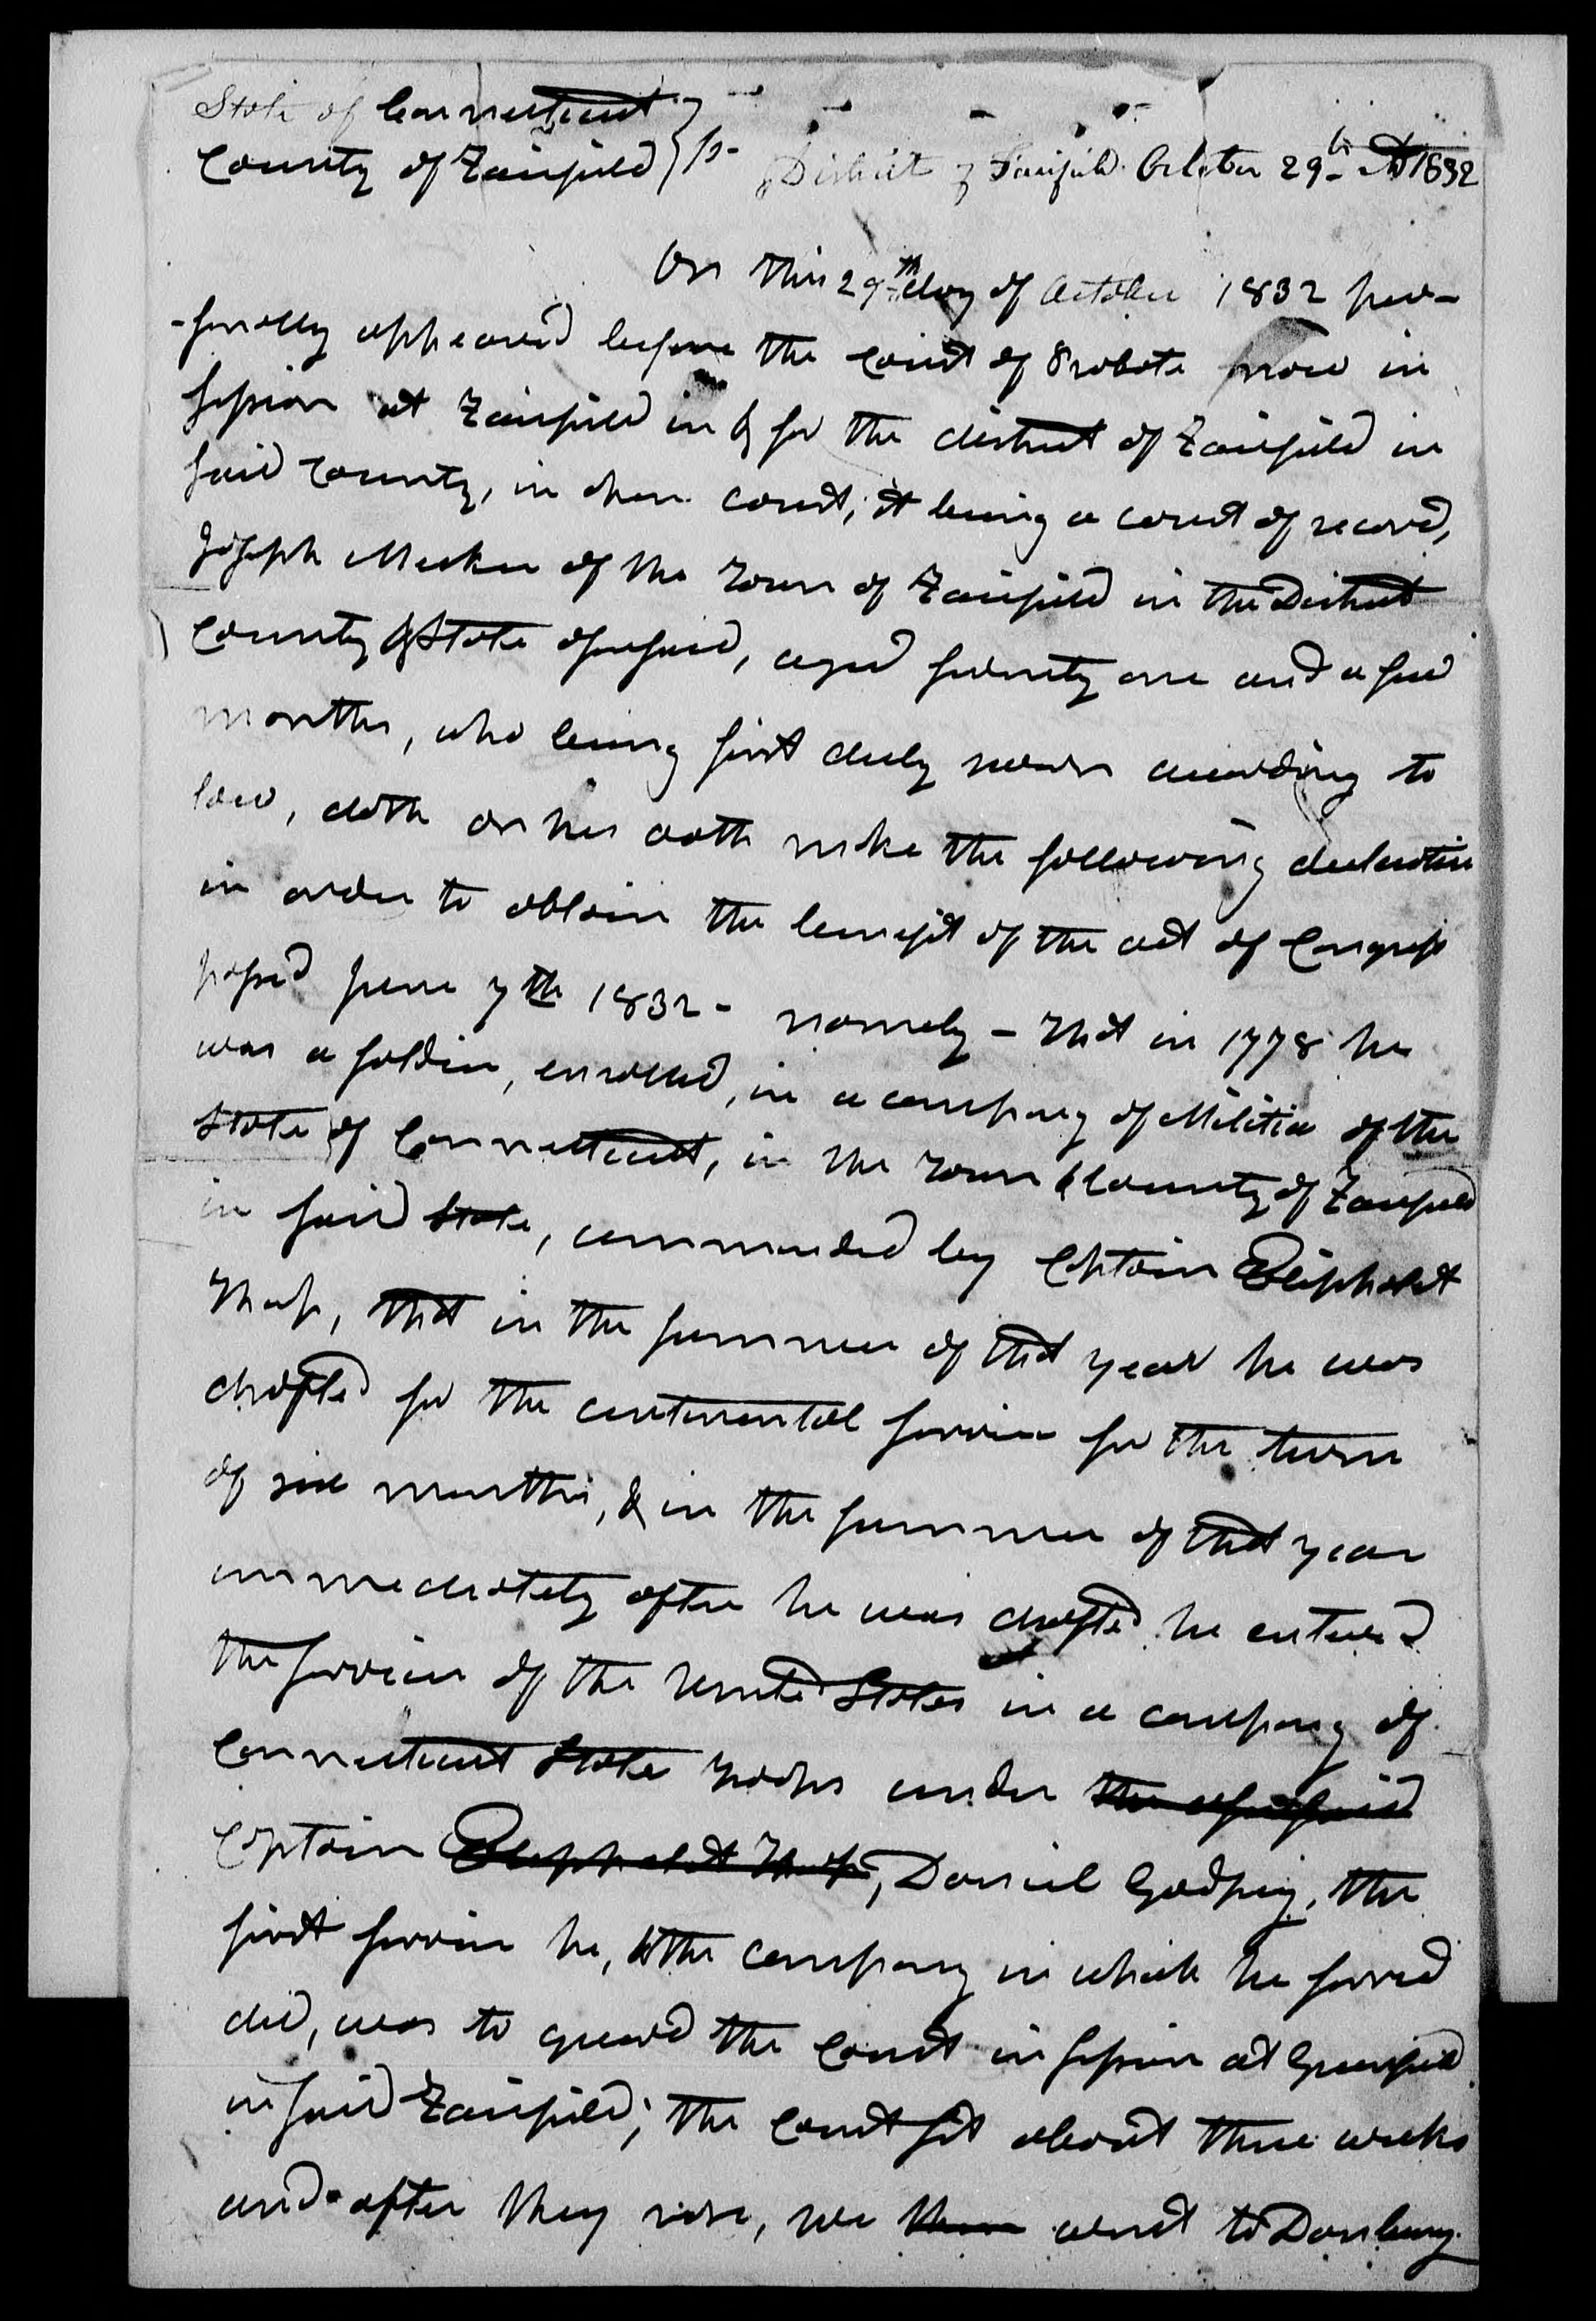State of Connecticut
County of Fairfield} Js 
       District of Fairfield October 29th AD 1832

On this 29th day of October 1832 personally appeared before the Court of Probate now in session at Fairfield in and for the district of Fairfield in said County, in open Court, it being a Court of record, Joseph Meeker of the Town of Fairfield in the District County & State aforesaid, aged seventy one and a few months, who being first duly sworn according to law, doth on his oath make the following declaration in order to obtain the benefit of the act of Congress passed June7th 1832 - namely - That in 1778 he was a soldier, enrolled, in the company of Militia of the State of Connecticut, in the Town & County of Fairfield in said State, commanded by Captain Eliphalet Thorp, that in the summer of the year he was drafted for the continental service for the term of six months, & in the summer of that year immediately after he was drafted he entered the service of the United States in a company of Connecticut State Troops under[next three words crossed out] Captain [next two words crossed out]  Daniel Godfrey, the first service [illegible word], other company in which he served and, was to guard the Court in session in  at Greenfield in said Fairfield; the Court sat about three weeks and after they [illegible], we [word crossed out] went to Danbury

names: Daniel Godfrey; Joseph Meeker; Eliphalet Thorp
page: 3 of 22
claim: survivor's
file: S. 15,517, for Joseph Meeker, Connecticut